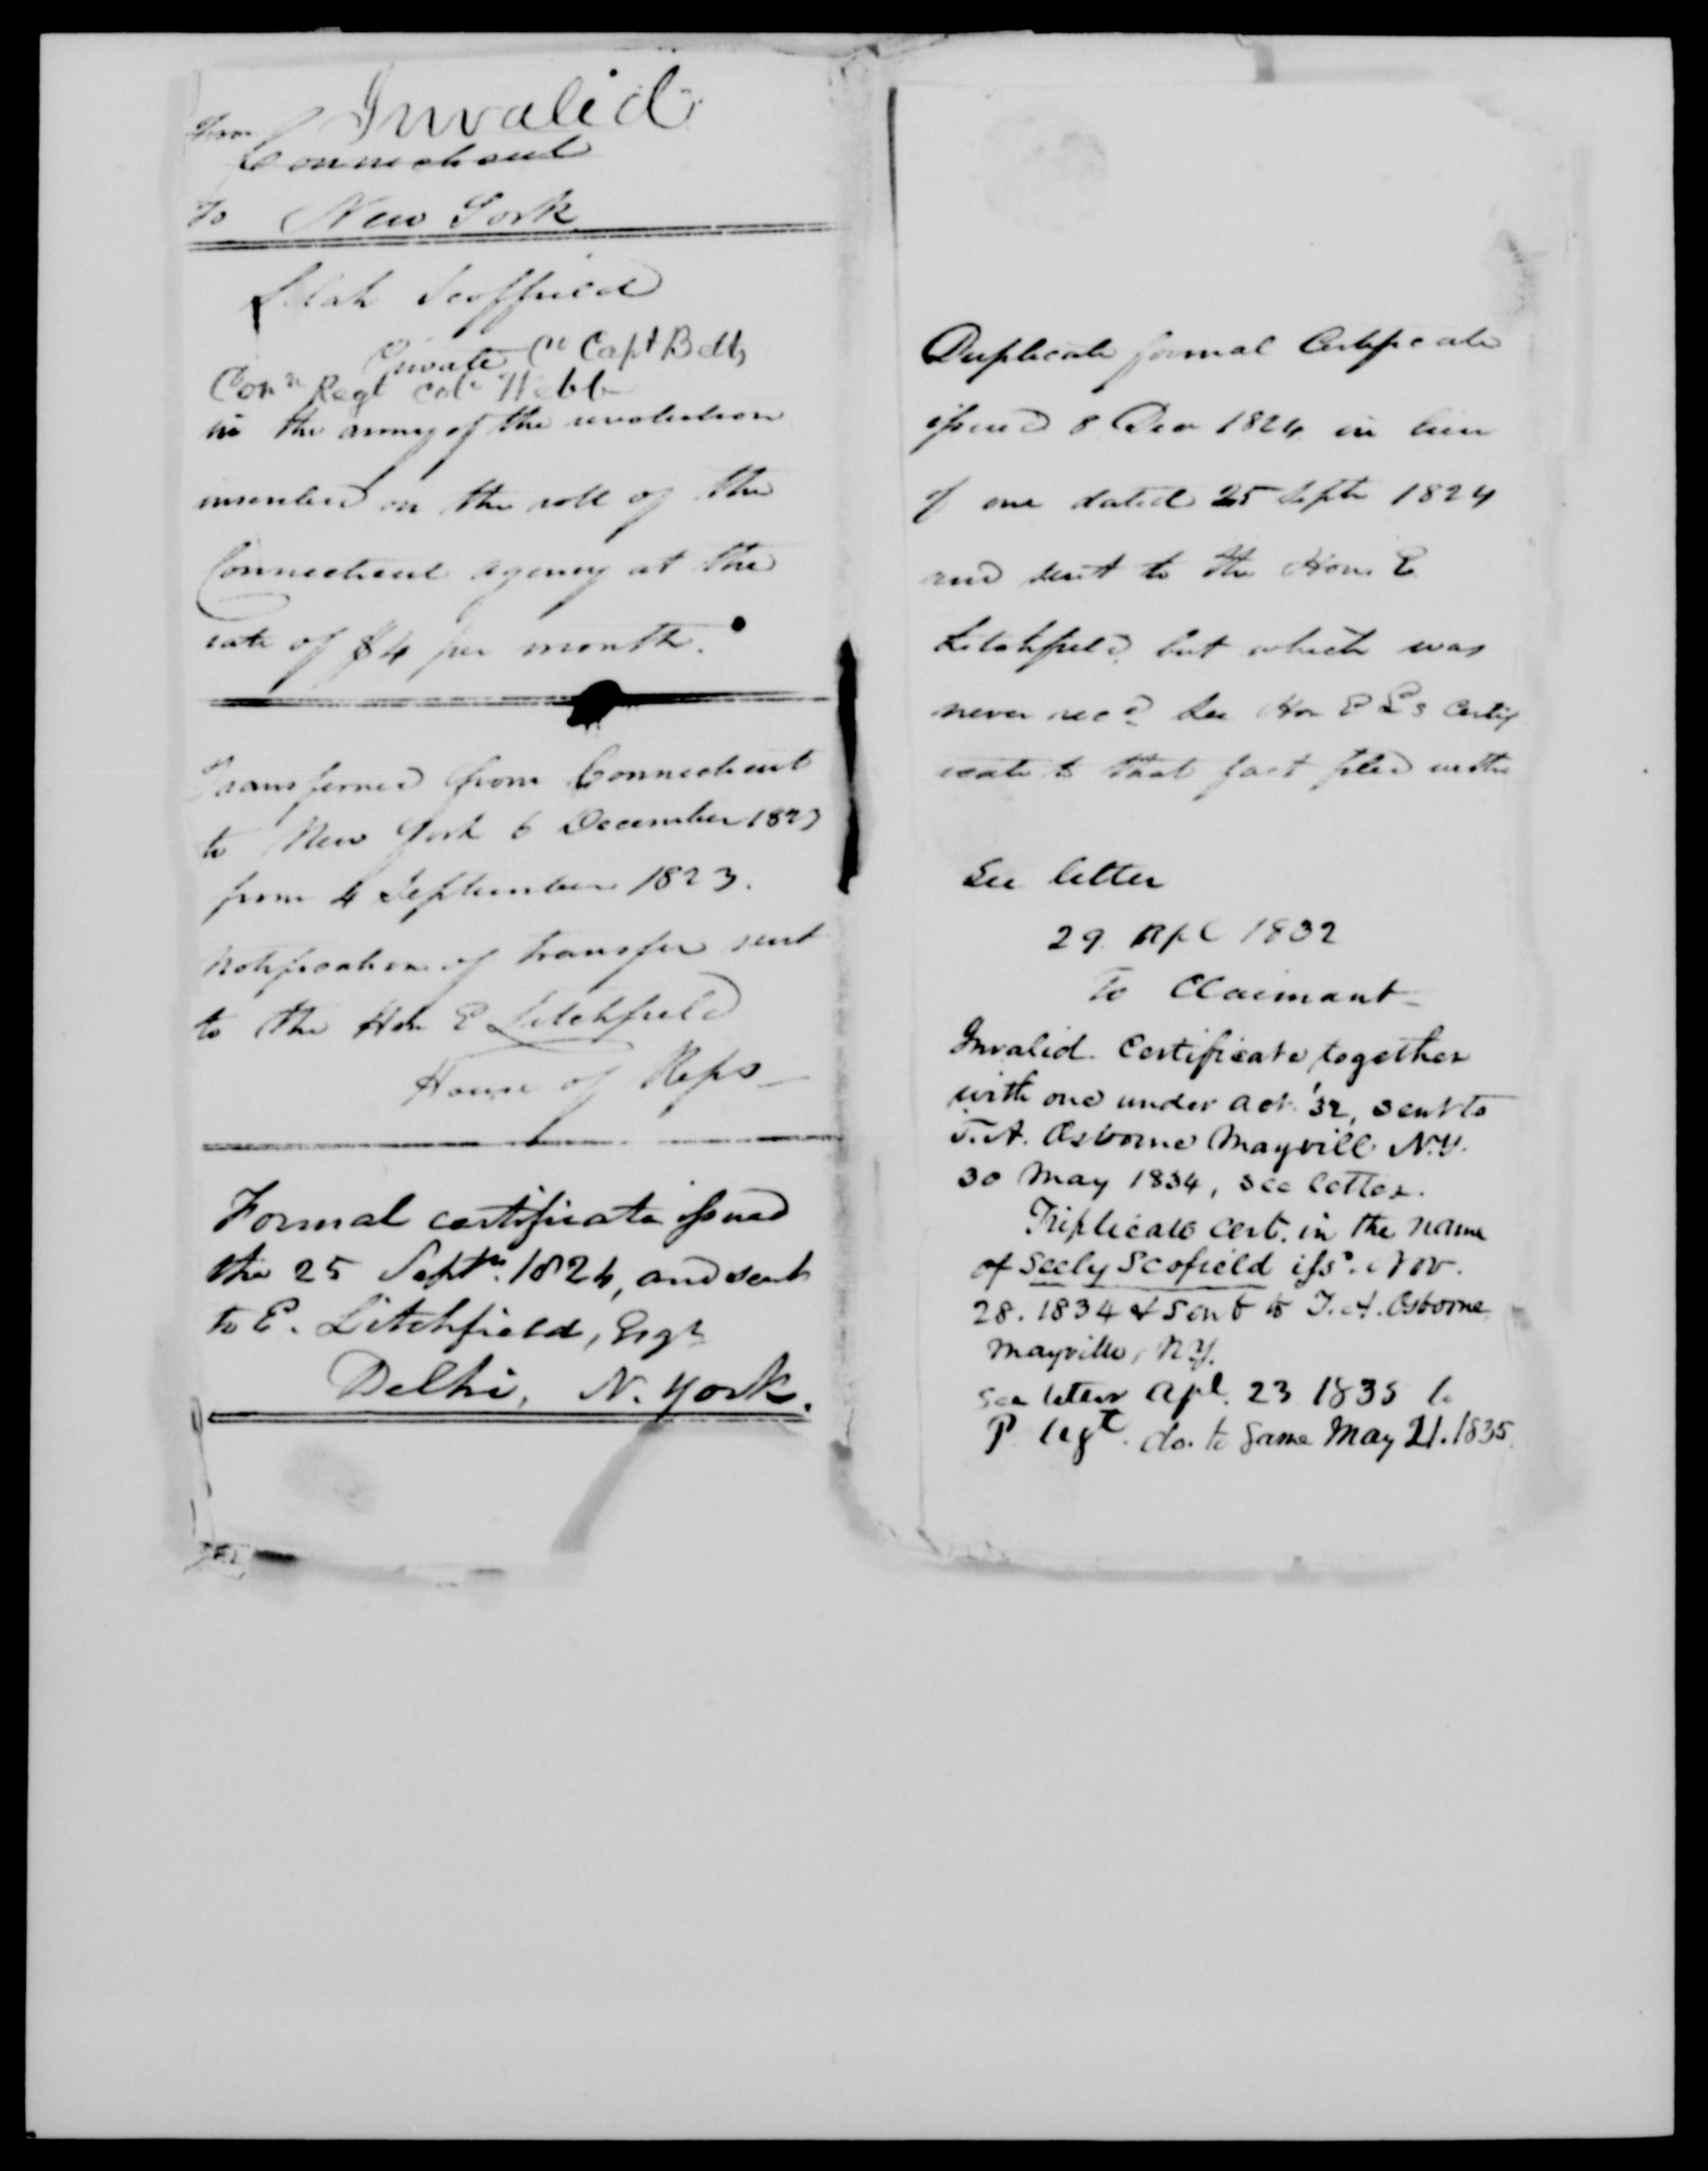Invalid 
From Connecticut To New York 
Selah Scoffield 
Private Capt Betts 
Conn Regt Col Webb in the army of the revolution inscribed on the roll of the Connecticut agency at the rate of $4 per month  
Transferred from Connecticut to New York 6 December 1823 from 4 September 1823. Notification of transfer sent to the Hon E Litchfield House of Reps 
Formal certificate issued the 25 Sept 1824, and sent to E. Litchfield, Esq Delhi, N. York 
Duplicate formal Certificate under 1826 in lieu of one dated 25 Sept 1824 and sent to the Hon E Litchfield but which was never rec’d, see Hon E. L’s certificate & that fact filed within 
See letter 29 Apl 1832 to Claimant 
Invalid certificate together with one under act 32, sent to T.A. Osborne Mayville N.Y. 30 May 1834, see letter. 
Triplicate Cert. in the name of Seely Scofield issued Nov 28. 1834 & sent to T. A. Osborne Mayville, N.Y. 
letter Apl 23 1835 to P Agt [pension agent] do let to same May 21. 1835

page: 19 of 36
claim: survivor's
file: S. 10,004, for Seely Scofield, Connecticut